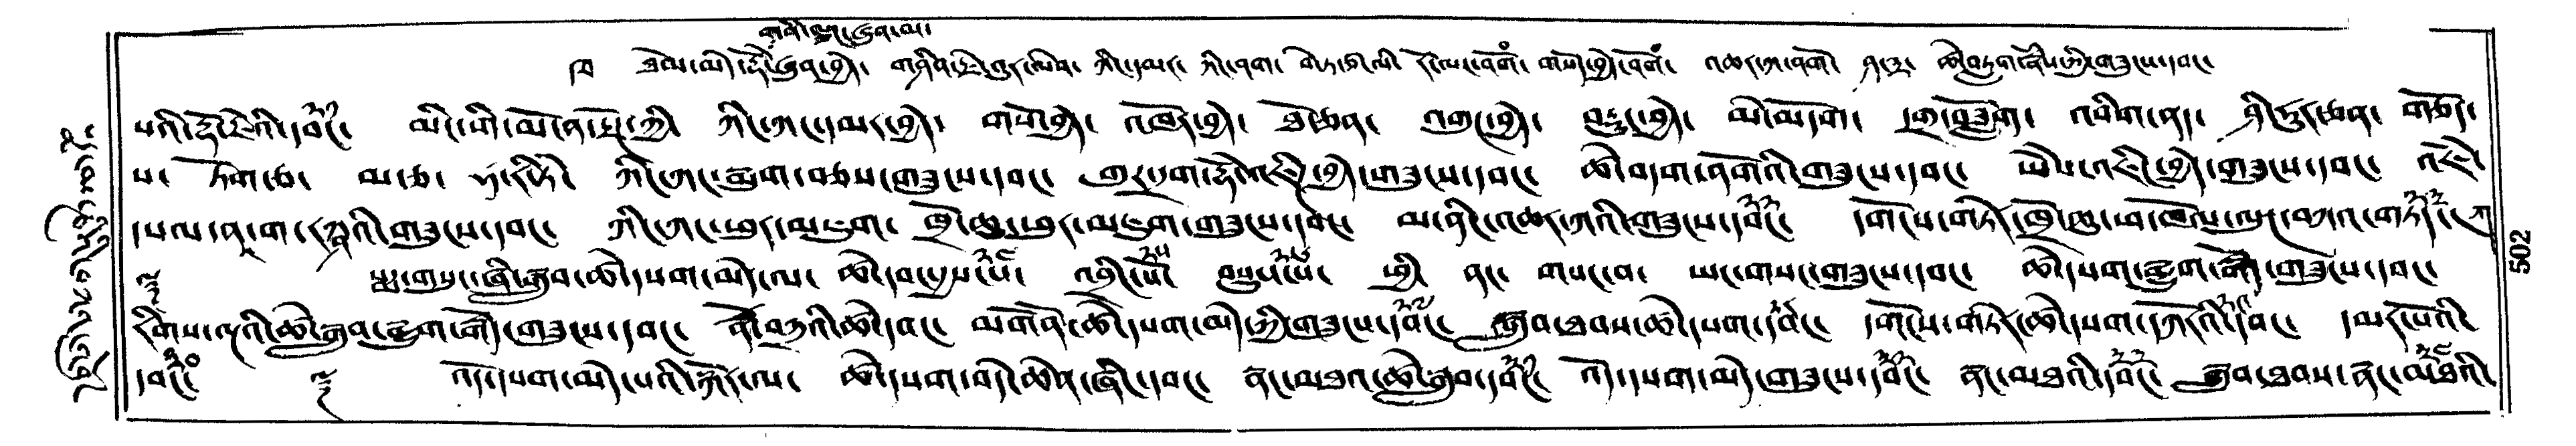པའི་རྡོ་རྗེའི་དབང་༢༡། མིང་གི་མངོན་རྟོགས་ཀྱི། ཀིང་ཀང་དམར་བྱེད། གསོ་བྱེད། འཁོར་བྱེ། ཐོ་ཅན། འགུགས་བྱེད། བརྡུང་བྱེད། མེ་མདོག དགྲ་བཟློག འབིག་ནད། ཤི་ཧུར་ཅན། གཅོད་
པ། ཏོག་ཅ། མ་ཅ། ཧ་རི་ཏེ། ཀིང་ཀང་སྨུག་བཅས་གཟུངས་དབང་། གུར་དྲག་རྡོ་རྗེ་འཇིགས་བྱེད་གཟུངས་དབང་། ཚེ་བདག་ནག་པོའི་གཟུངས་དབང་། ཡེ་ཤེས་འཇིགས་བྱེད་གཟུངས་དབང་། འཇམ་
དཔལ་ནཱ་ག་རཀྴའི་གཟུངས་དབང་། ཀིང་ཀང་ཕུར་མཇུག ཁྲོ་ཆུ་ཕུར་མཇུག་གཟུངས་དབང་། མ་ནིང་འཆར་ཀའི་གཟུངས་དབང་༢༢། དགོངས་གཏེར་ཁྲོ་ཆུ་ཕ་ཁོལ་ལུགས་བཀའ་གཏད༢༣། 
༈ པདྨ་གསུང་ཞི་སྒྲུབ་ཚེ་དཔག་མེད་ལ། ཚེ་དབང་རྒྱས་པ༢༤། འབྲིང་པོ་༢༥། བསྡུས་པ། ཕྱི། ནང་། གསང་བ། ཡང་གསང་གཟུངས་དབང་། ཚེ་དཔག་སྨྱུག་རྒོད་གཟུངས་དབང་
རིགས་ལྔའི་ཚེ་སྒྲུབ་སྨྱུག་རྒོད་གཟུངས་དབང་། རྣོ་(?)བཀྲའི་ཚེ་དབང་། མགོན་པོ་ཚེ་དཔག་མེད་ཀྱི་གཟུངས་དབང་༢༧། སྒྲུབ་ཐབས་ཚེ་དཔག་དབང༢༨་། དགོངས་གཏེར་ཚེ་དཔག་དཀར་པོའི་དབང་༣༩། དམར་པོའི་
དབང་༣༠། ༈ འོད་དཔག་མེད་པའི་སྐོར་ལ། ཚེ་དཔག་བདེ་ཆེན་ཞིང་དབང་། སྣང་མཐའ་ཚེ་སྒྲུབ་དབང་༣༡། འོད་དཔག་མེད་གཟུངས་དབང་༣༢། སྣང་མཐའི་དབང་༣༣། སྒྲུབ་ཐབས་སྣང་མཐའི་༣༤